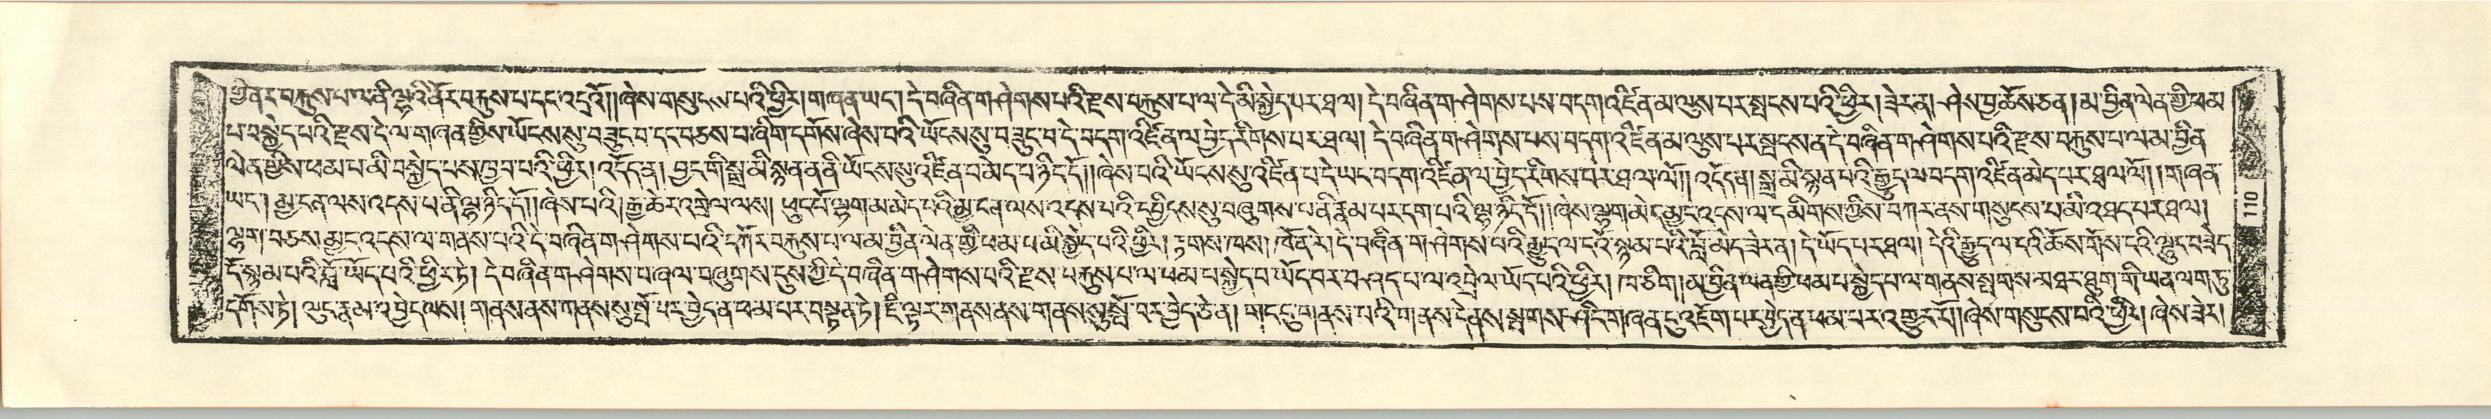ཕྱི་ནང་བརྐུས་པ་ལ་ནི་ལྷའི་ནོར་བརྐུས་པ་དང་འདྲའོ། །ཞེས་གསུངས་པའི་ཕྱིར། གཞན་ཡང་། དེ་བཞིན་གཤེགས་པའི་རྫས་བརྐུས་པ་ལ་དེ་མི་སྐྱེད་པར་ཐལ། དེ་བཞིན་གཤེགས་པས་བདག་འཛིན་མ་ལུས་པར་སྤངས་པའི་ཕྱིར། ཟེར་ན། ཤེས་བྱ་ཆོས་ཅན། མ་བྱིན་ལེན་གྱི་ཕམ་
པ་བསྐྱེད་པའི་རྫས་དེ་ལ་གཞན་གྱིས་ཡོངས་སུ་བཟུང་བ་དང་བཅས་པ་ཞིག་དགོས་ཞེས་པའི་ཡོངས་སུ་བཟུང་བ་དེ་བདག་འཛིན་ལ་བྱེད་རིགས་པར་ཐལ། དེ་བཞིན་གཤེགས་པས་བདག་འཛིན་མ་ལུས་པར་སྤངས་ན་དེ་བཞིན་གཤེགས་པའི་རྫས་བརྐུས་པ་ལ་མ་བྱིན་
གླེན་གྱིས་ཕམ་པ་མི་བསྐྱེད་པས་ཁྱབ་པའི་ཕྱིར། འདོད་ན། བྱང་གི་སྒྲ་མི་སྙན་ན་ནི་ཡོངས་སུ་འཛིན་པ་མེད་པ་ཉིད་དོ། །ཞེས་པའི་ཡོངས་སུ་འཛིན་པ་དེ་ཡང་བདག་འཛིན་ལ་བྱེད་རིགས་པར་ཐལ་ལོ། །འདོད་ན། སྒྲ་མི་སྙན་པའི་རྒྱུད་ལ་བདག་འཛིན་མེད་པར་ཐལ་ལོ། །གཞན་
ཡང་། མྱ་ངན་ལས་འདས་པ་ནི་ལྷ་ཉིད་དོ། །ཞེས་པའི། རྒྱ་ཆེར་འགྲེལ་ལས། ཕུང་པོ་ལྷག་མ་མེད་པའི་མྱ་ངན་ལས་འདས་པའི་དབྱིངས་སུ་བཞུགས་པ་ནི་རྣམ་པར་དག་པའི་ལྷ་ཉིད་དོ། །ཞེས་ལྷག་མེད་མྱང་འདས་ལ་དམིགས་ཀྱིས་བཀར་ནས་གསུངས་པ་མི་འཐད་པར་ཐལ།
ལྷག་བཅས་མྱང་འདས་ལ་གནས་པའི་དེ་བཞིན་གཤེགས་པའི་དཀོར་བརྐུས་པ་ལ་མ་བྱིན་ལེན་གྱི་ཕམ་པ་མི་སྐྱེད་པའི་ཕྱིར། རྟགས་ཁས། ཁོ་ན་རེ། དེ་བཞིན་གཤེགས་པའི་རྒྱུད་ལ་ངའོ་སྙམ་པའི་བློ་མེད་ཟེར་ན། དེ་ཡོད་པར་ཐལ། དེའི་རྒྱུད་ལ་ངའི་ཆོས་གོས་ངའི་ལྷུང་བཟེད་
དོ་སྙམ་པའི་བློ་ཡོད་པའི་ཕྱིར་ཏེ། དེ་བཞིན་གཤེགས་པ་ཞལ་བཞུགས་དུས་ཀྱི་དེ་བཞིན་གཤེགས་པའི་རྫས་བརྐུས་པ་ལ་ཕམ་བསྐྱེད་པ་ཡོད་པར་བཤད་པ་ལ་འབྲེལ་ཡོད་པའི་ཕྱིར། ཁ་ཅིག །མ་བྱིན་ལན་གྱི་ཕམ་པ་སྐྱེད་པ་ལ་གནས་སྤགས་མཐར་ཐུག་གི་ཡན་ལག་ཏུ་
དགོས་ཏེ། ལུང་རྣམ་འབྱེད་ལས། གནས་ནས་གནས་སུ་སྤོ་པར་བྱེད་ན་ཕམ་པར་བསྟན་ཏེ། ཇི་ལྟར་གནས་ནས་གནས་སུ་སྤོ་བར་བྱེད་ཅེ་ན། གང་དུ་གནས་པའི་གནས་དེ་ནས་སྤགས་ཤིང་གཞན་དུ་འཇོག་པར་བྱེད་ན་ཕམ་པར་འགྱུར་རོ། ། ཞེས་གསུངས་པའི་ཕྱིར། ཞེས་ཟེར།